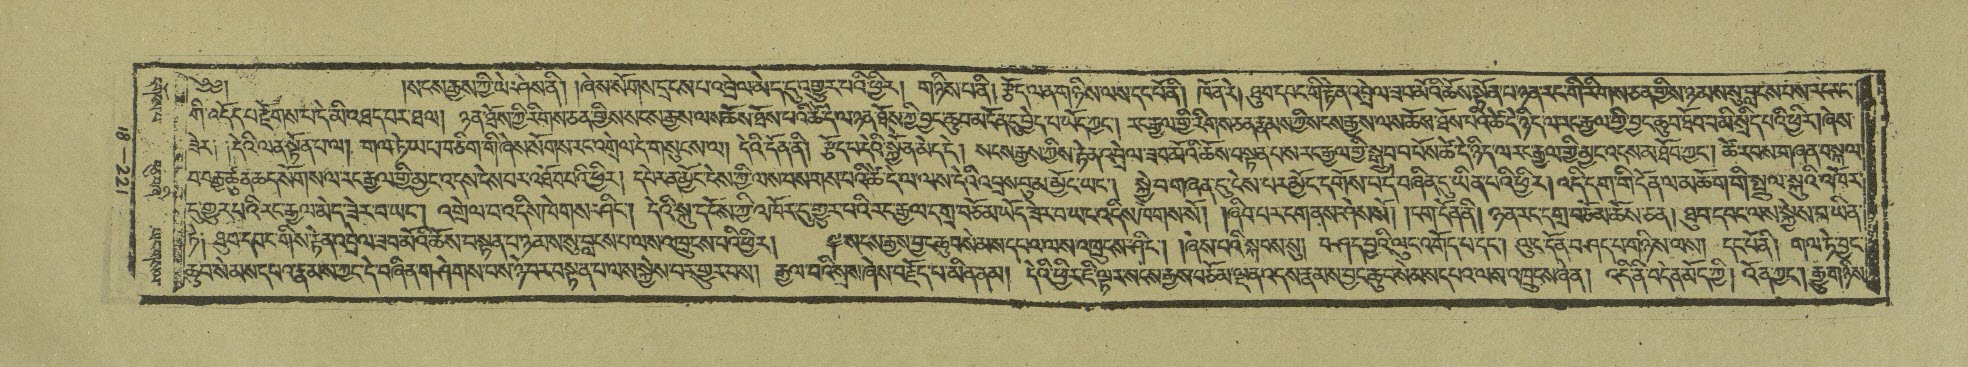༄༅། །སངས་རྒྱས་ཀྱི་ཡེ་ཤེས་ནི། །ཞེས་སོགས་དྲངས་པ་འབྲེལ་མེད་དུ་འགྱུར་བའི་ཕྱིར། གཉིས་པ་ནི། རྩོད་ལན་གཉིས་ལས་དང་པོ་ནི། ཁོ་ན་རེ། ཐུབ་དབང་གི་རྟེན་འབྲེལ་ཟབ་མོའི་ཆོས་སྟོན་པ་ཉན་རང་གི་རིགས་ཅན་གྱིས་ཉམས་སུ་བླངས་པས་རང་རང་
གི་འདོད་པ་རྫོགས་པ་དེ་མི་འཐད་པར་ཐལ། ཉན་ཐོས་ཀྱི་རིགས་ཅན་གྱིས་སངས་རྒྱས་ལས་ཆོས་ཐོས་པའི་ཚེ་དེ་ལ་ཉན་ཐོས་ཀྱི་བྱང་ཆུབ་མངོན་དུ་བྱེད་པ་ཡོད་ཀྱང་། རང་རྒྱལ་གྱི་རིགས་ཅན་རྣམས་ཀྱི་སངས་རྒྱས་ལས་ཆོས་ཐོས་པའི་ཚེ་དེ་ཉིད་ལ་རང་རྒྱལ་གྱི་བྱང་ཆུབ་ཐོབ་པ་མི་སྲིད་པའི་ཕྱིར། ཞེས་
ཟེར། །དེའི་ལན་སྟོན་པ་ལ། གལ་ཏེ་ཡང་ཁ་ཅིག་གི་ཞེས་སོགས་རང་འགྲེལ་དེ་གསུངས་ལ། དེའི་དོན་ནི། རྩོད་པ་དེའི་སྐྱོན་མེད་དེ། སངས་རྒྱས་ཀྱིས་རྟེན་འབྲེལ་ཟབ་མོའི་ཆོས་བསྟན་པས་རང་རྒྱལ་གྱི་སྒྲུབ་པ་པོས་ཚེ་དེ་ཉིད་ལ་རང་རྒྱལ་གྱི་མྱང་འདས་མ་ཐོབ་ཀྱང་། ཚེ་རབས་གཞན་འགྲལ་
པ་བརྒྱ་ཚུན་ཆད་སོགས་ལ་རང་རྒྱལ་གྱི་མྱང་འདས་ངེས་པར་འཐོབ་པའི་ཕྱིར། དཔེར་ན་མྱོང་ངེས་ཀྱི་ལས་བསགས་པའི་ཚེ་དེ་ལ་ལས་དེའི་འབྲས་བུ་མ་མྱོང་ཡང་། སྐྱེ་བ་གཞན་དུ་ངེས་པར་མྱོང་དགོས་པ་དེ་བཞིན་དུ་ཡིན་པའི་ཕྱིར། འདི་དག་གི་དོན་ལ་མཆོག་གི་སྤྲུལ་སྐུའི་འཁོར་
དུ་གྱུར་པའི་རང་རྒྱལ་མེད་ཟེར་བ་ཡང་། འགྲེལ་བ་འདིས་ཁེགས་དུ་གྱུར་པའི་རང་རྒྱལ་མེད་ཟེར་བ་ཡང་། འགྲེལ་བ་འདིས་ཁེགས་ཤིང་། དེའི་སྐུ་དངོས་ཀྱི་འཁོར་དུ་གྱུར་པའི་རང་རྒྱལ་དགྲ་བཅོམ་ཡོད་ཟེར་བ་ཡང་འདིས་ཁེགས་སོ། །ཞིབ་པར་ངག་ནས་ཤེས་སྐྱེས་པ་ཡིན་
ཏེ། ཐུབ་དབང་གིས་རྟེན་འབྲེལ་ཟབ་མོའི་ཆོས་བསྟན་པ་ཉམས་སུ་བླངས་བ་ལས་འཁྲུངས་པའི་ཕྱིར། ༈ སངས་རྒྱས་བྱང་ཆུབ་སེམས་དཔའ་ལས་འཁྲུངས་ཤིང་། །ཞེས་པའི་སྐབས་སུ། བཤད་བྱའི་ལུང་འགོད་པ་དང་། ལུང་དོན་བཤད་པ་གཉིས་ལས། དང་པོ་ནི། གལ་ཏེ་བྱང་
ཆུབ་སེམས་དཔའ་རྣམས་ཀྱང་དེ་བཞིན་གཤེགས་པས་ཉེ་བར་བསྟན་པ་ལས་སྐྱེས་པར་གྱུར་བས། རྒྱལ་བའི་སྲས་ཞེས་བརྗོད་པ་མིན་ནམ། དེའི་ཕྱིར་ཇི་ལྟར་སངས་རྒྱས་བཅོམ་ལྡན་འདས་རྣམས་བྱང་ཆུབ་སེམས་དཔའ་ལས་འཁྲུངས་ཞེ་ན། འདི་ནི་བདེན་མོད་ཀྱི། འོན་ཀྱང་། རྒྱུ་གཉིས་